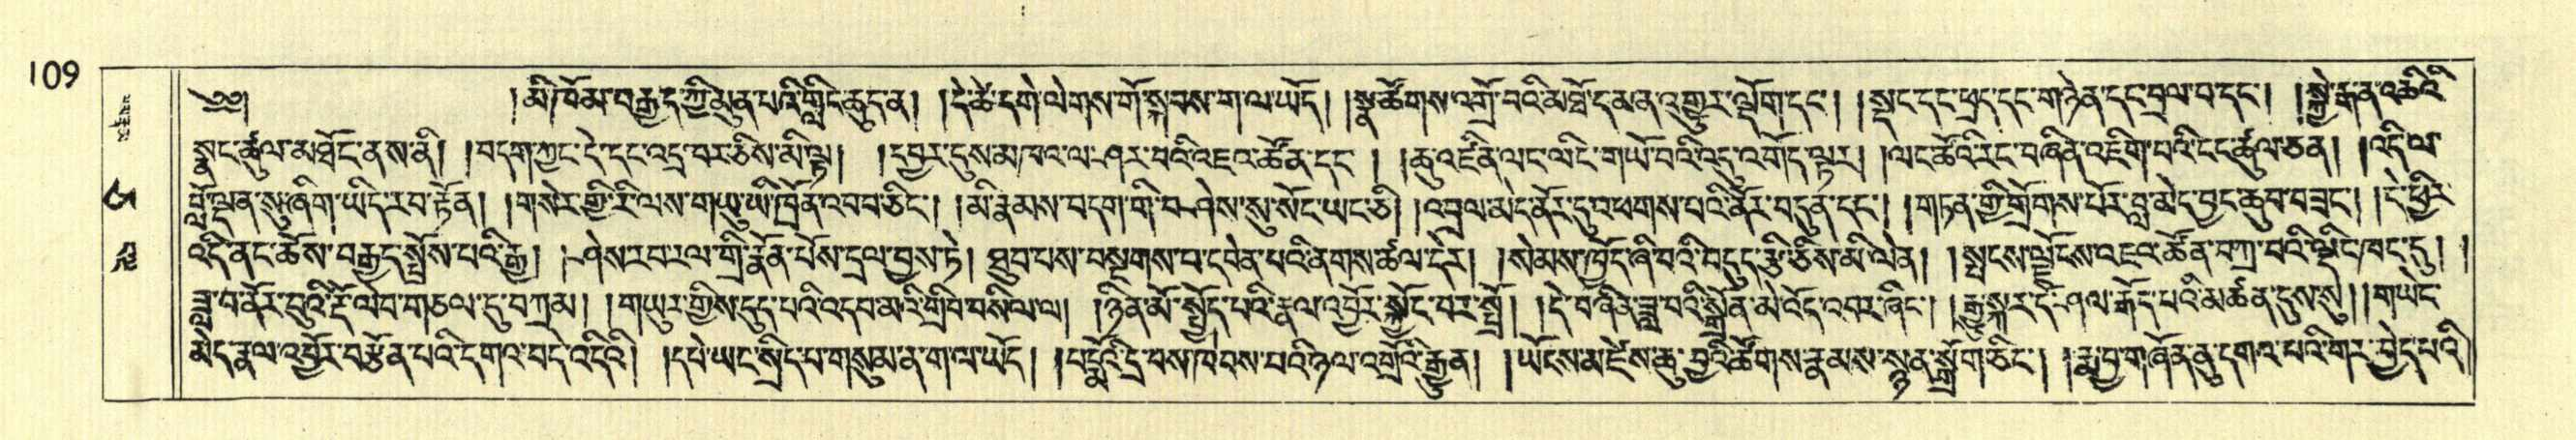༄༅། །མི་ཁོམ་བརྒྱད་ཀྱི་མུན་པའི་གླིང་ཆུད་ན། །དེ་ཚེ་དགེ་ལེགས་གོ་སྐབས་ག་ལ་ཡོད། །སྣ་ཚོགས་འགྲོ་བའི་མཐོ་དམན་འགྱུར་ལྡོག་དང་། །སྡང་དང་ཕྲད་དང་གཉེན་དང་བྲལ་བ་དང་། །སྐྱེ་རྒ་ན་འཆིའི་
སྣང་ཚུལ་མཐོང་ནས་ནི། །བདག་ཀྱང་དེ་དང་འདྲ་བར་ཅིས་མི་ལྟ། །དབྱར་དུས་མཁའ་ལ་ཤར་བའི་འཇའ་ཚོན་དང་། །ཆུ་འཛིན་ལང་ལིང་གཡོ་བའི་འདུ་འགོད་ལྟར། །ལང་ཚོའི་རང་བཞིན་འཇིག་པའི་ངང་ཚུལ་ཅན། །འདི་ལ་
བློ་ལྡན་སུ་ཞིག་ཡིད་རབ་རྟོན། །གསེར་གྱི་རི་ལས་གཡུ་ཡི་ཁྲོན་འབབ་ཅིང་། །མི་རྣམས་བདག་གི་བཤེས་སུ་སོང་ཡང་ཅི། །འབྲལ་མེད་ནོར་དུ་འཕགས་པའི་ནོར་བདུན་དང་། །གཏན་གྱི་གྲོགས་པོར་བླ་མེད་བྱང་ཆུབ་བཟང་། །དེ་ཕྱིར་
འདི་ནང་ཆོས་བརྒྱད་སྤྲོས་པའི་རྒྱ། །ཤེས་རབ་རལ་གྲི་རྣོན་པོས་དྲལ་བྱས་ཏེ། ཐུབ་པས་བསྔགས་པ་དབེན་པའི་ནགས་ཚལ་དེར། །སེམས་ཁྱོད་ཞི་བའི་བདུད་རྩི་ཅིས་མི་ལེན། །སྤངས་ལྗོངས་འཇའ་ཚོན་བཀྲ་བའི་ལྡིང་ཁང་དུ། །
ཟླ་བ་ནོར་བུའི་རྡོ་ལེབ་གཅལ་དུ་བཀྲམ། །གཡུར་གྱིས་དུད་པའི་འདབ་མའི་གྲིབ་བསིལ་ལ། །ཉིན་མོ་སྤྱོད་པའི་རྣལ་འབྱོར་སྐྱོང་བར་སྤྲོ། །དེ་བཞིན་ཟླ་བའི་སྒྲོན་མེ་འོད་འབར་ཞིང་། །རྒྱུ་སྐར་དོ་ཤལ་རྒོད་པའི་མཚན་དུས་སུ། །གཡེང་
མེད་རྣལ་འབྱོར་བརྩོན་པའི་དགའ་བདེ་འདིའི། །དཔེ་ཡང་སྲིད་པ་གསུམ་ན་གལ་ཡོད། །པདམོའི་དྲ་བས་ཁེབས་པའི་ཉལ་འགྲོའི་རྒྱུན། །ཡོངས་མཛེས་ཆུ་བྱའི་ཚོགས་རྣམས་སྙན་སྒྲོག་ཅིང་། །རྨ་བྱ་གཞོན་ནུ་དགའ་པའི་གར་བྱེད་པའི།